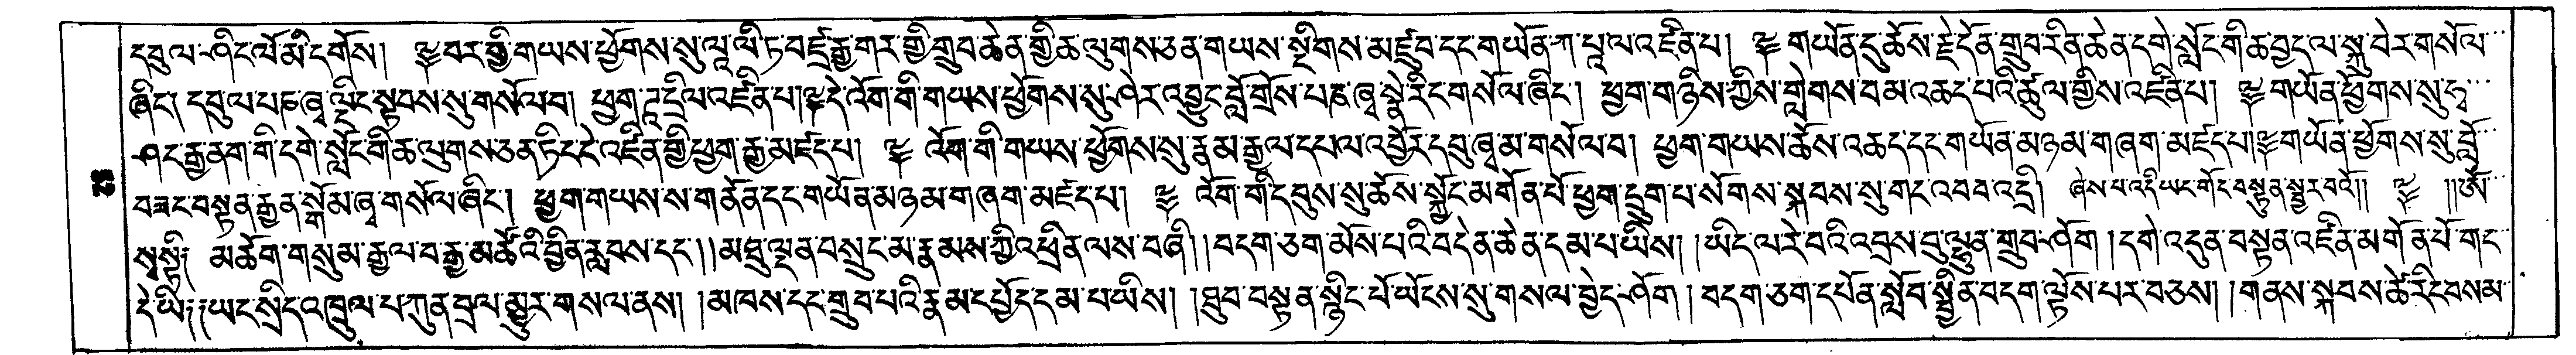དབུལ་ཤིང་ལོ་མི་དགོས། ༈ བར་གྱི་གཡས་ཕྱོགས་སུ་ལཱ་ལི་ཏ་བཛྲ་རྒྱ་གར་གྱི་གྲུབ་ཆེན་གྱི་ཆ་ལུགས་ཅན་གཡས་སྡིགས་མཛུབ་དང་གཡོན་ཀ་པཱ་ལ་འཛིན་པ། ༈གཡོན་དུ་ཆོས་རྗེ་དོན་གྲུབ་རིན་ཆེན་དགེ་སློང་གི་ཆ་བྱད་ལ་སྐུ་བེར་གསོལ་
ཞིང་། དབུ་ལ་པཎ་ཞྭ་ལྡིང་སྟབས་སུ་གསོལ་བ། ཕྱག་ཌཱ་དྲིལ་འཛིན་པ། ༈ དེ་འོག་གི་གཡས་ཕྱོགས་སུ་ཤེར་འབྱུང་བློ་གྲོས་པཎ་ཞྭ་སྣེ་རིང་གསོལ་ཞིང་། ཕྱག་གཉིས་ཀྱིས་གླེགས་བམ་འཆད་པའི་ཚུལ་གྱིས་འཛིན་པ། ༈གཡོན་ཕྱོགས་སུ་ཧྭ་
ཤང་རྒྱ་ནག་གི་དགེ་སློང་གི་ཆ་ལུགས་ཅན་ཏིང་ངེ་འཛིན་གྱི་ཕྱག་རྒྱ་མཛད་པ། ༈འོག་གི་གཡས་ཕྱོགས་སུ་རྣམ་རྒྱལ་དཔལ་འབྱོར་དབུ་ཞྭ་མ་གསོལ་བ། ཕྱག་གཡས་ཆོས་འཆད་དང་གཡོན་མཉམ་གཞག་མཛད་པ། ༈ གཡོན་ཕྱོགས་སུ་བློ་
བཟང་བསྟན་རྒྱན་སྒོམ་ཞྭ་གསོལ་ཞིང་། ཕྱག་གཡས་ས་གནོན་དང་གཡོན་མཉམ་གཞག་མཛད་པ། ༈འོག་གི་དབུས་སུ་ཆོས་སྐྱོང་མགོན་པོ་ཕྱག་དྲུག་པ་སོགས་སྐབས་སུ་གང་འབབ་འདྲི། ཞེས་པ་འདི་ཡང་གོང་བསྟུན་སྦྱར་བའོ།། ༈ །།ཨོཾ་
སྭསྟི། མཆོག་གསུམ་རྒྱལ་བ་རྒྱ་མཚོའི་བྱིན་རླབས་དང་། །མཐུ་ལྡན་བསྲུང་མ་རྣམས་ཀྱི་འཕྲིན་ལས་བཞི། །བདག་ཅག་མོས་པའི་བདེན་ཆེན་དམ་པ་ཡིས། །ཡིད་ལ་རེ་བའི་འབྲས་བུ་ལྷུན་གྲུབ་ཤོག །དགེ་འདུན་བསྟན་འཛིན་མགོན་པོ་གང་
དེ་ཡི་༑ཡང་སྲིད་འཁྲུལ་པ་ཀུན་བྲལ་མྱུར་གསལ་ནས། །མཁས་དང་གྲུབ་པའི་རྣམ་དཔྱོད་དམ་པ་ཡིས། །ཐུབ་བསྟན་སྙིང་པོ་ཡོངས་སུ་གསལ་བྱེད་ཤོག །བདག་ཅག་དཔོན་སློབ་སྦྱིན་བདག་ལྟོས་པར་བཅས། །གནས་སྐབས་ཚེ་རིང་བསམ་